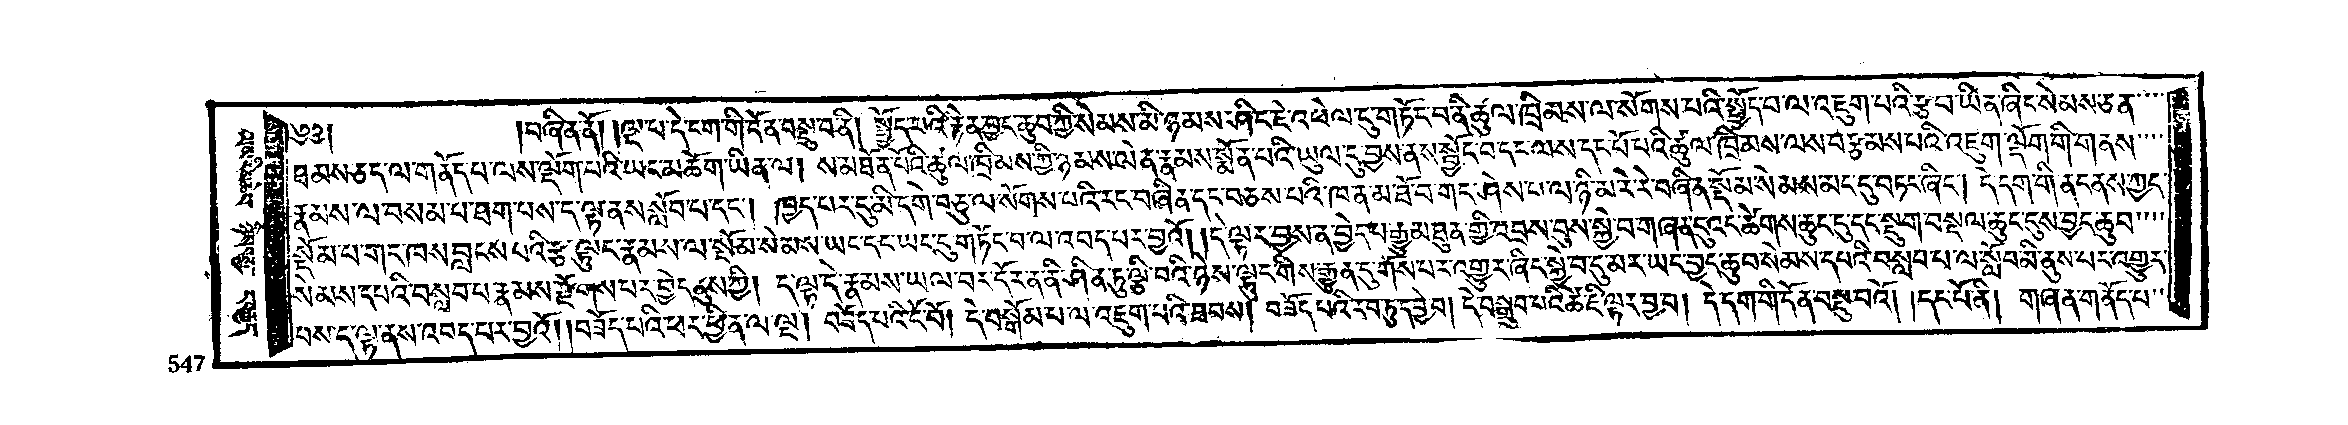༄༅། །བཞིན་ནོ། །ལྔ་པ་དེ་དག་གི་དོན་བསྡུ་བ་ནི། སྤྱོད་པའི་རྟེན་བྱང་ཆུབ་ཀྱི་སེམས་མི་ཉམས་ཤིང་ཇེ་འཕེལ་དུ་གཏོང་བ་ནི་ཚུལ་ཁྲིམས་ལ་སོགས་པའི་སྤྱོད་པ་ལ་འཇུག་པའི་རྩ་བ་ཡིན་ཞིང་སེམས་ཅན་
ཐམས་ཅད་ལ་གནོད་པ་ལས་ལྡོག་པའི་ཡང་མཆོག་ཡིན་ལ། ས་མཐོན་པོའི་ཚུལ་ཁྲིམས་ཀྱི་ཉམས་ལེན་རྣམས་སྨོན་པའི་ཡུལ་དུ་བྱས་ནས་སྦྱོང་བ་དང་ལས་དང་པོ་པའི་ཚུལ་ཁྲིམས་ལས་བརྩམས་པའི་འཇུག་ལྡོག་གི་གནས་
རྣམས་ལ་བསམ་པ་ཐག་པས་ད་ལྟ་ནས་སློབ་པ་དང་། ཁྱད་པར་དུ་མི་དགེ་བཅུ་ལ་སོགས་པའི་རང་བཞིན་དང་བཅས་པའི་ཁ་ན་མ་ཐོ་བ་གང་ཤེས་པ་ལ་ཉི་མ་རེ་རེ་བཞིན་སྡོམ་སེམས་མང་དུ་བཏང་ཞིང་། དེ་དག་གི་ནང་ནས་ཀྱང་
སྡོམ་པ་གང་ཁས་བླངས་པའི་རྩ་ལྟུང་རྣམས་ལ་སྡོམ་སེམས་ཡང་དང་ཡང་དུ་གཏོང་བ་ལ་འབད་པར་བྱའོ། །དེ་ལྟར་བྱས་ན་བྱེད་པ་རྒྱུ་མཐུན་གྱི་འབྲས་བུས་སྐྱེ་བ་གཞན་དུའང་ཚེགས་ཆུང་ངུ་དང་སྡུག་བསྔལ་ཆུང་ངུས་བྱང་ཆུབ་
སེམས་དཔའི་བསླབ་པ་རྣམས་རྫོགས་པར་བྱེད་ནུས་ཀྱི། ད་ལྟ་དེ་རྣམས་ཡལ་བར་དོར་ན་ནི་ཤིན་ཏུ་ལྕི་བའི་ཉེས་ལྟུང་གིས་རྒྱུན་དུ་གོས་པར་འགྱུར་ཞིང་སྐྱེ་བ་དུ་མར་ཡང་བྱང་ཆུབ་སེམས་དཔའི་བསླབ་པ་ལ་སློབ་མི་ནུས་པར་འགྱུར་
བས་ད་ལྟ་ནས་འབད་པར་བྱའོ། །བཟོད་པའི་ཕར་ཕྱིན་ལ་ལྔ། བཟོད་པའི་ངོ་བོ། དེ་བསྒོམ་པ་ལ་འཇུག་པའི་ཐབས། བཟོད་པའི་རབ་ཏུ་དབྱེ་བ། དེ་བསྒྲུབ་པའི་ཚེ་ཇི་ལྟར་བྱ་བ། དེ་དག་གི་དོན་བསྡུ་བའོ། །དང་པོ་ནི། གཞན་གནོད་པ་